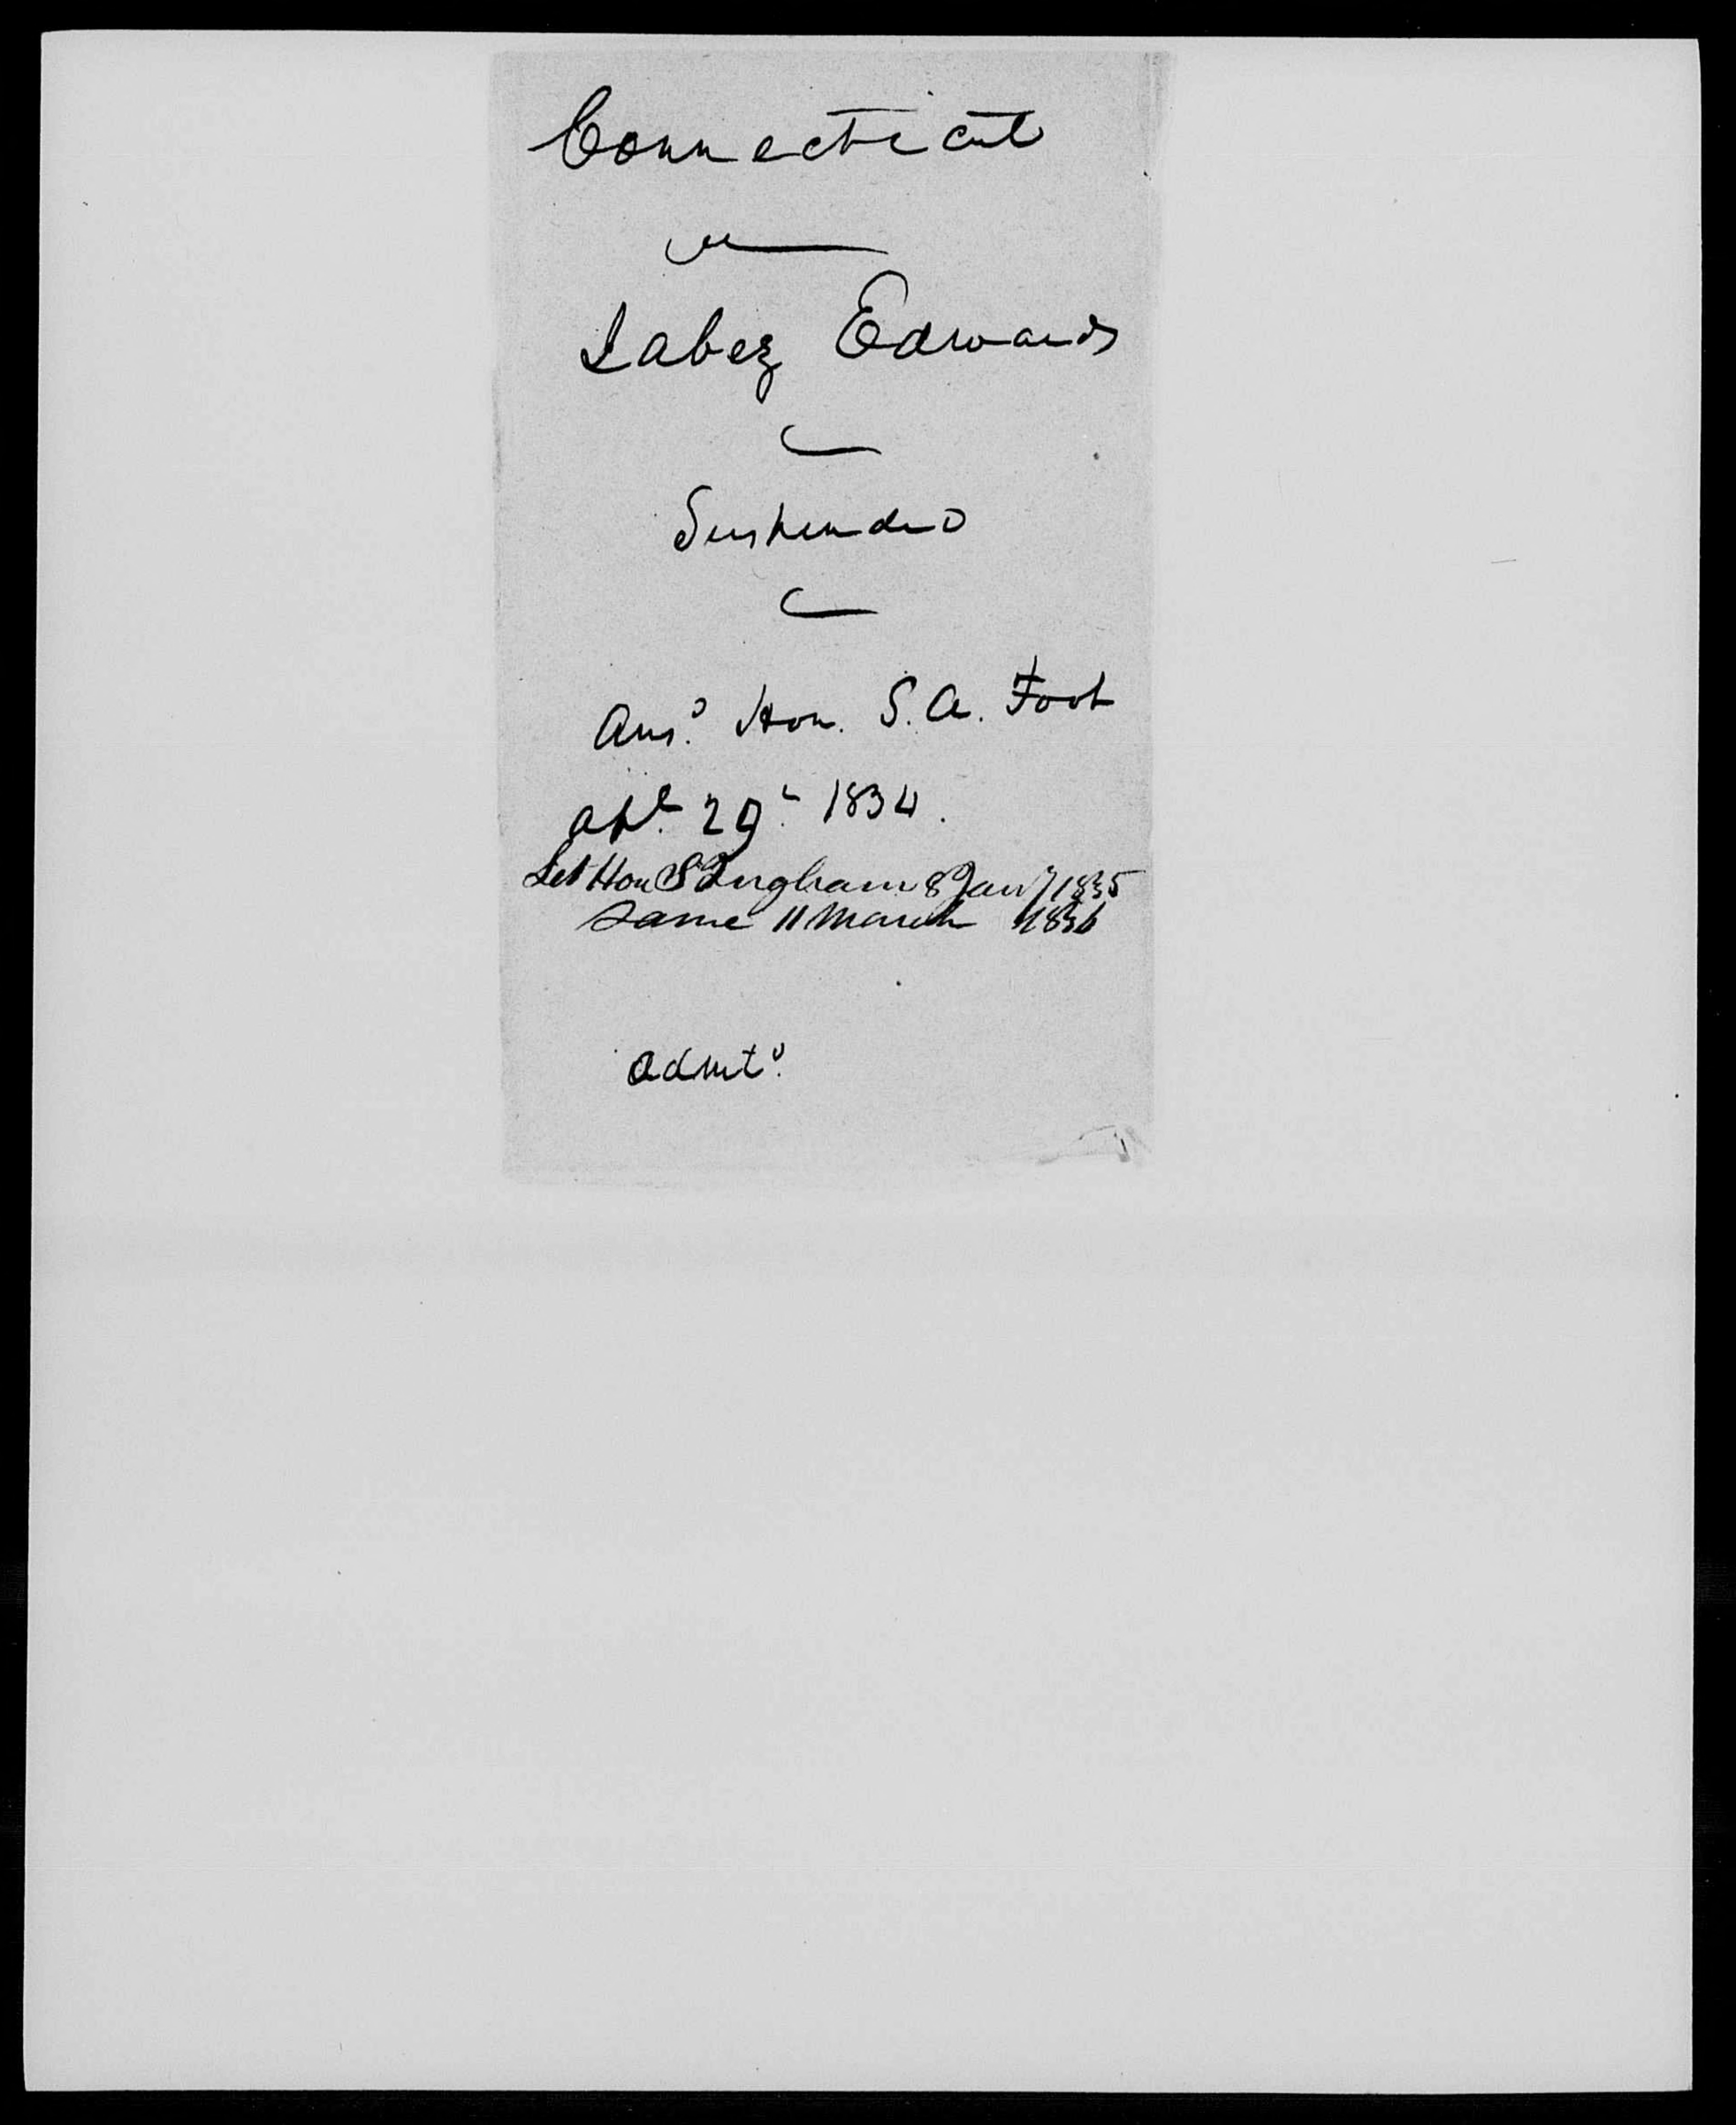Connecticut
Jabez Edwards
Suspended
[?] Hon. S. A. Foot
[?] 29 1834
[?] Hon. S. Ingham 8 Jan 1835
same 11 March 1836

admt.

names: S Ingham, S A Foot, Jabez Edwards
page: 48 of 50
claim: survivor's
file: S 10607, Jabez Edwards, Conn.